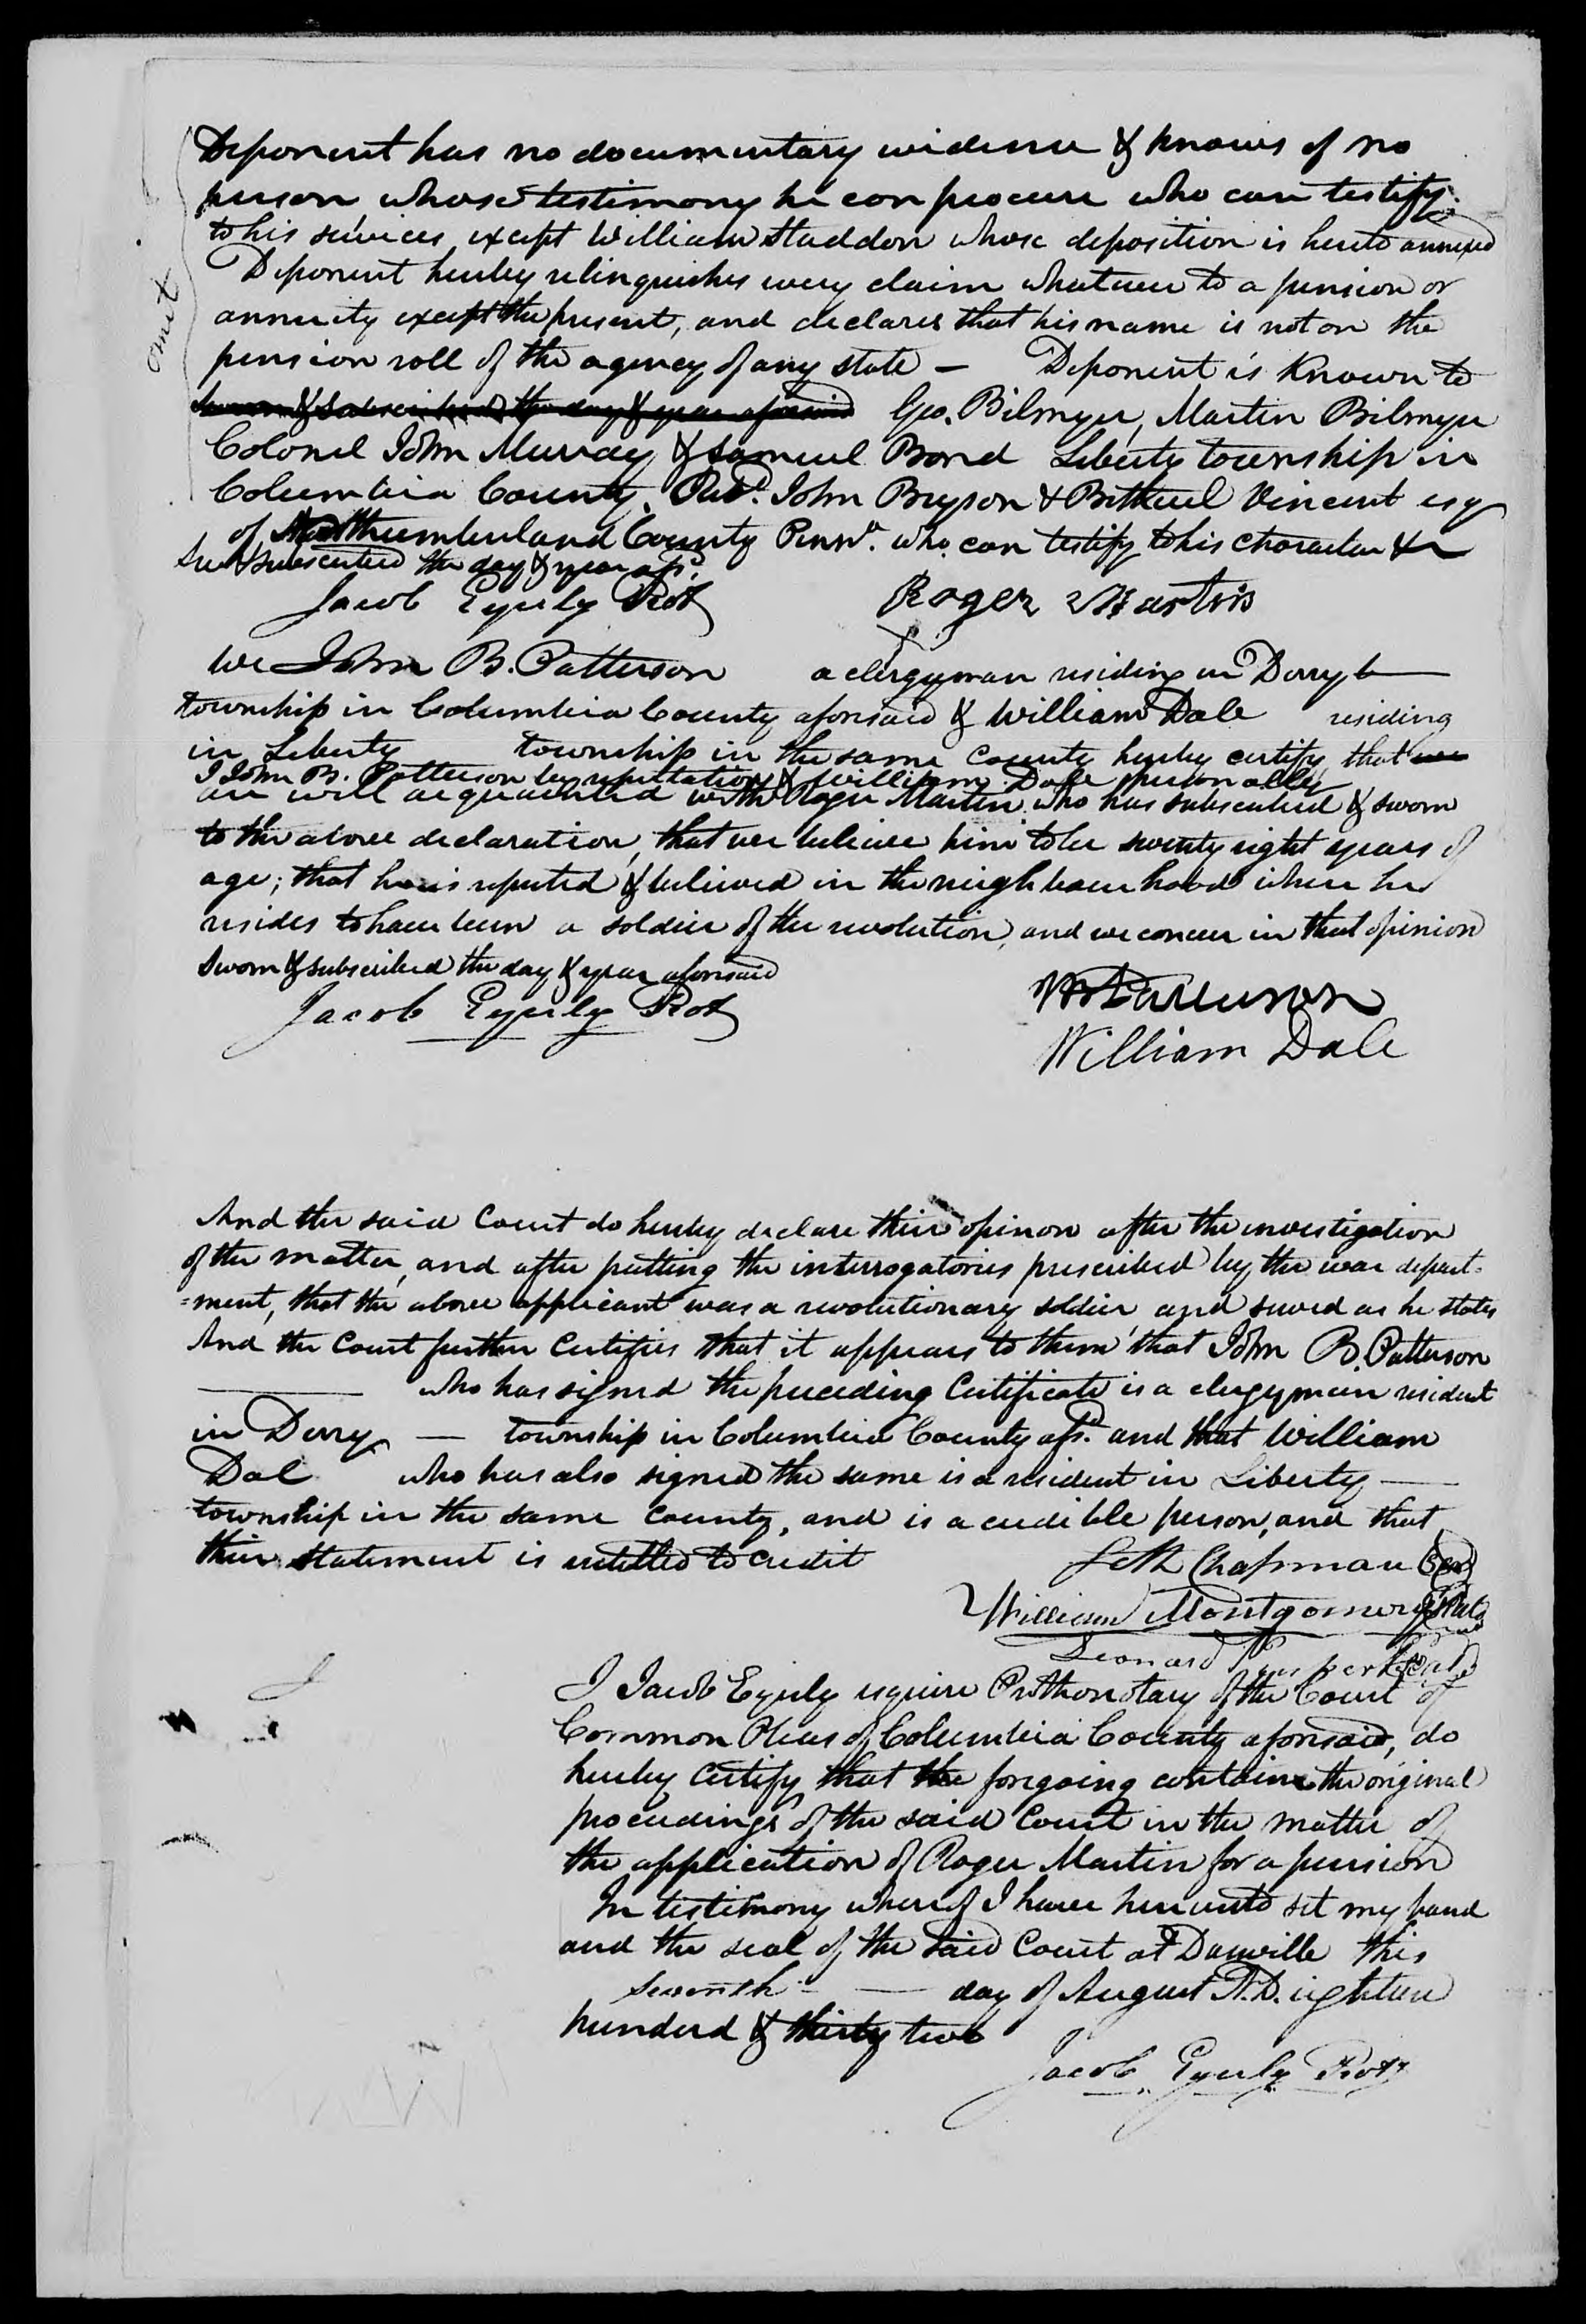deponent has no documentary evidence & knows of no person whose testimony he can procure who can testify to his services except William Stadden whose disposition is hereto annexed.
    Deponent hereby relinquishes every claim whatever to a pension or annuity except the present, and declare that his name is not on the pension roll of the agency of any state.  
     Deponent is known to Geo. Bilmyer, Martin Bilmyer, Colonel John Murray & Samuel Bond.  Liberty township is Columbia County Penna.  John Bryson & Nathaniel Vincent Esq. of of Northumberland County, Penna. who can testify to his character & subscribed the day & year above.
//s//                                              //s//
Jacob Everly Proth.                 Roger Martin

    We John B. Patterson a clergyman residing in  Terry Township in Columbia County aforesaid & William Dale residing in Liberty township in the same county hereby certify that John B. Patterson has reputation & William Dale personally are well acquainted with Roger Martin who has subscribed & sworn to the above declaration, that we believe him to be seventy eight years of age; that he is reputed & believed in the neighborhood where he resides to have been a soldier of the revolution, and we concur in that opinion.
Sworn & subscribed this day & year aforesaid.

//s//                                        //s//
Jacob Everly Proth.       Wm. (illegible)
                                      William Dale

    And the said court do hereby declare their opinion after the investigation of the matter and after putting interrogations prescribed by the war department, that the above applicant was a revolutionary soldier and served as he states.  And the court further certifies that it appears to them that John B. Patterson who has signed the preceding certificate is a clergyman residing in Derry Township in Columbia County aforesaid and that William Dale who has also signed the same is a resident in Liberty township in the same county, and is a credible person, and that their statement is entitled to credit. 
//s//
Seth Chapman (seal)
William Montgomery (seal)
Leonard (illegible) (seal)

    I Jacob Everly Esquire Prothonotary of the Court of Common Pleas of Columbia County aforesaid, do hereby certify that the foregoing contains the original proceedings f the said court in the matter of the application of roger Martin for a pension.
    In testimony whereof I have hereunto set my hand and the seal of the said court at Danveille this seventh day of August A.D. eighteen hundred & thirty two.  
//s//
Jacob Everly Prothon.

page: 11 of 12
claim: survivor's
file: S. 2733, for Roger Martin, Pennsylvania